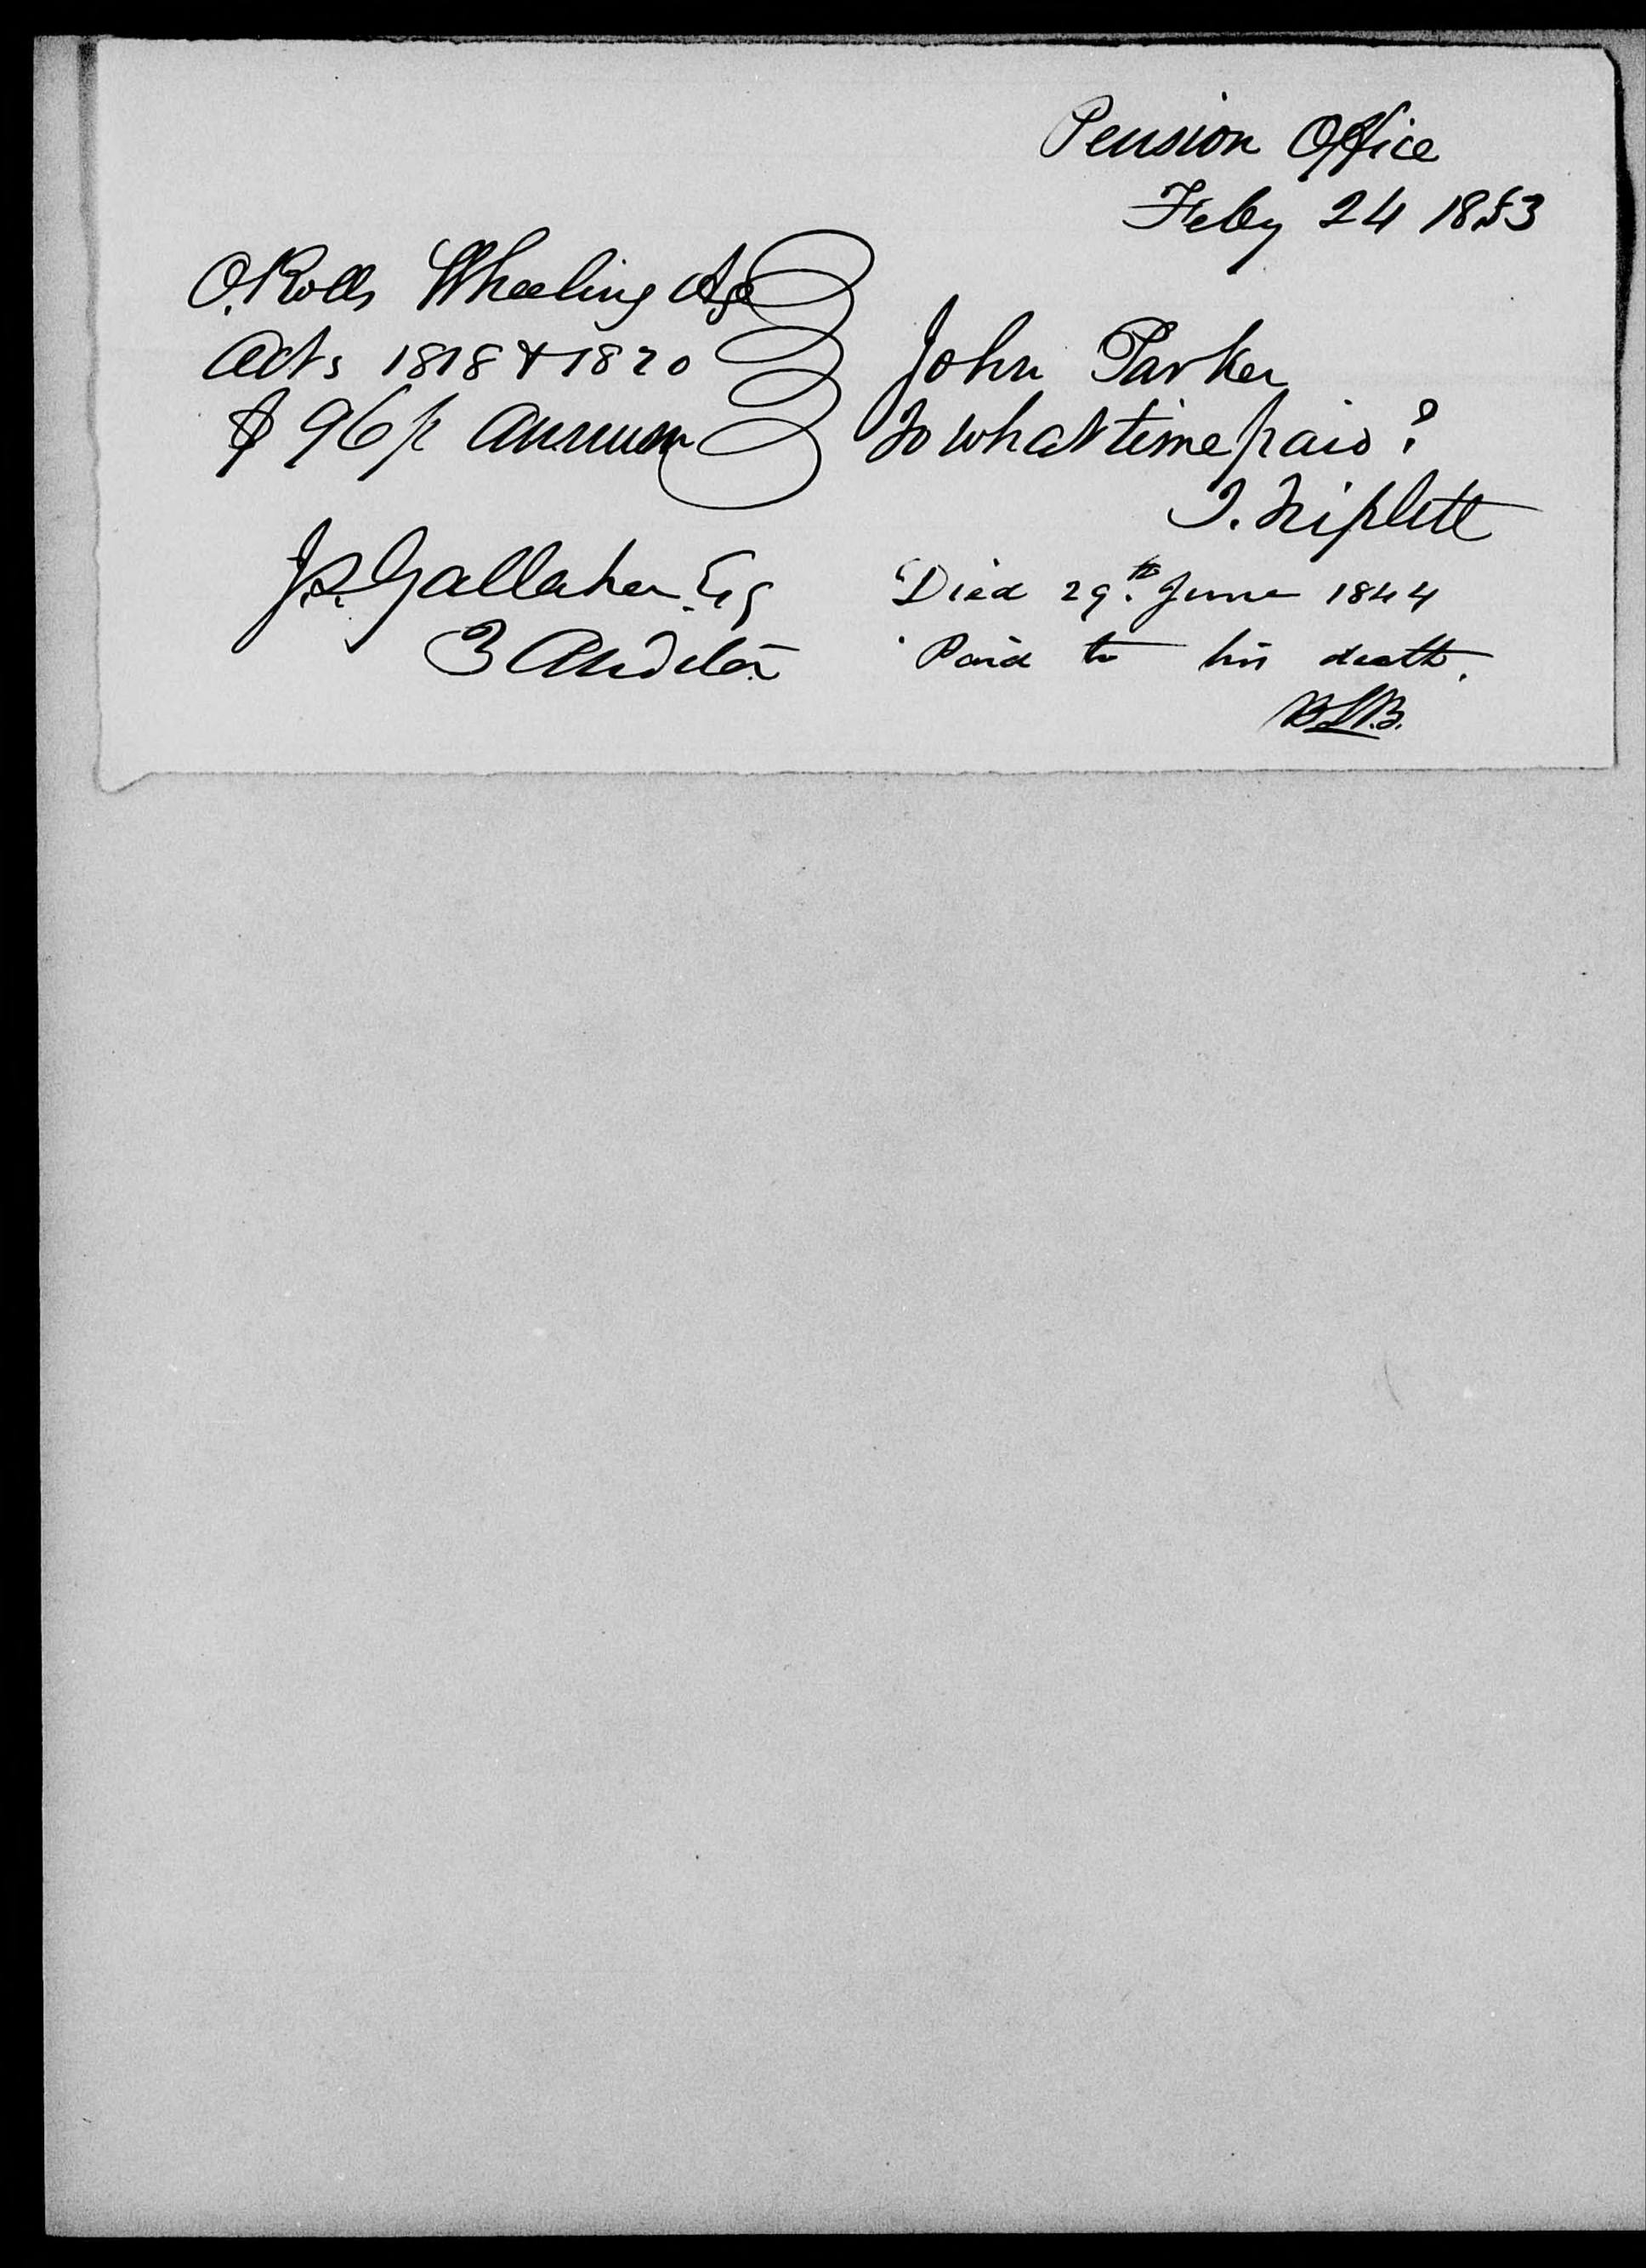Pension Office
Feby. 24 1853

O. Rolls Wheeling Ag. }
Acts 1818 & 1820 }
$96 /annum }  John Parker to what time paid? 
//s// J. Triplett

J.S. Gallaher Esq.
3 Auditor  
Died 29th June 1844 Paid to his death.
[illegible signature]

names: John Parker; J S Gallaher; J Triplett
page: 29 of 40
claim: widow's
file: W. 3,588, for John Parker, Pennsylvania